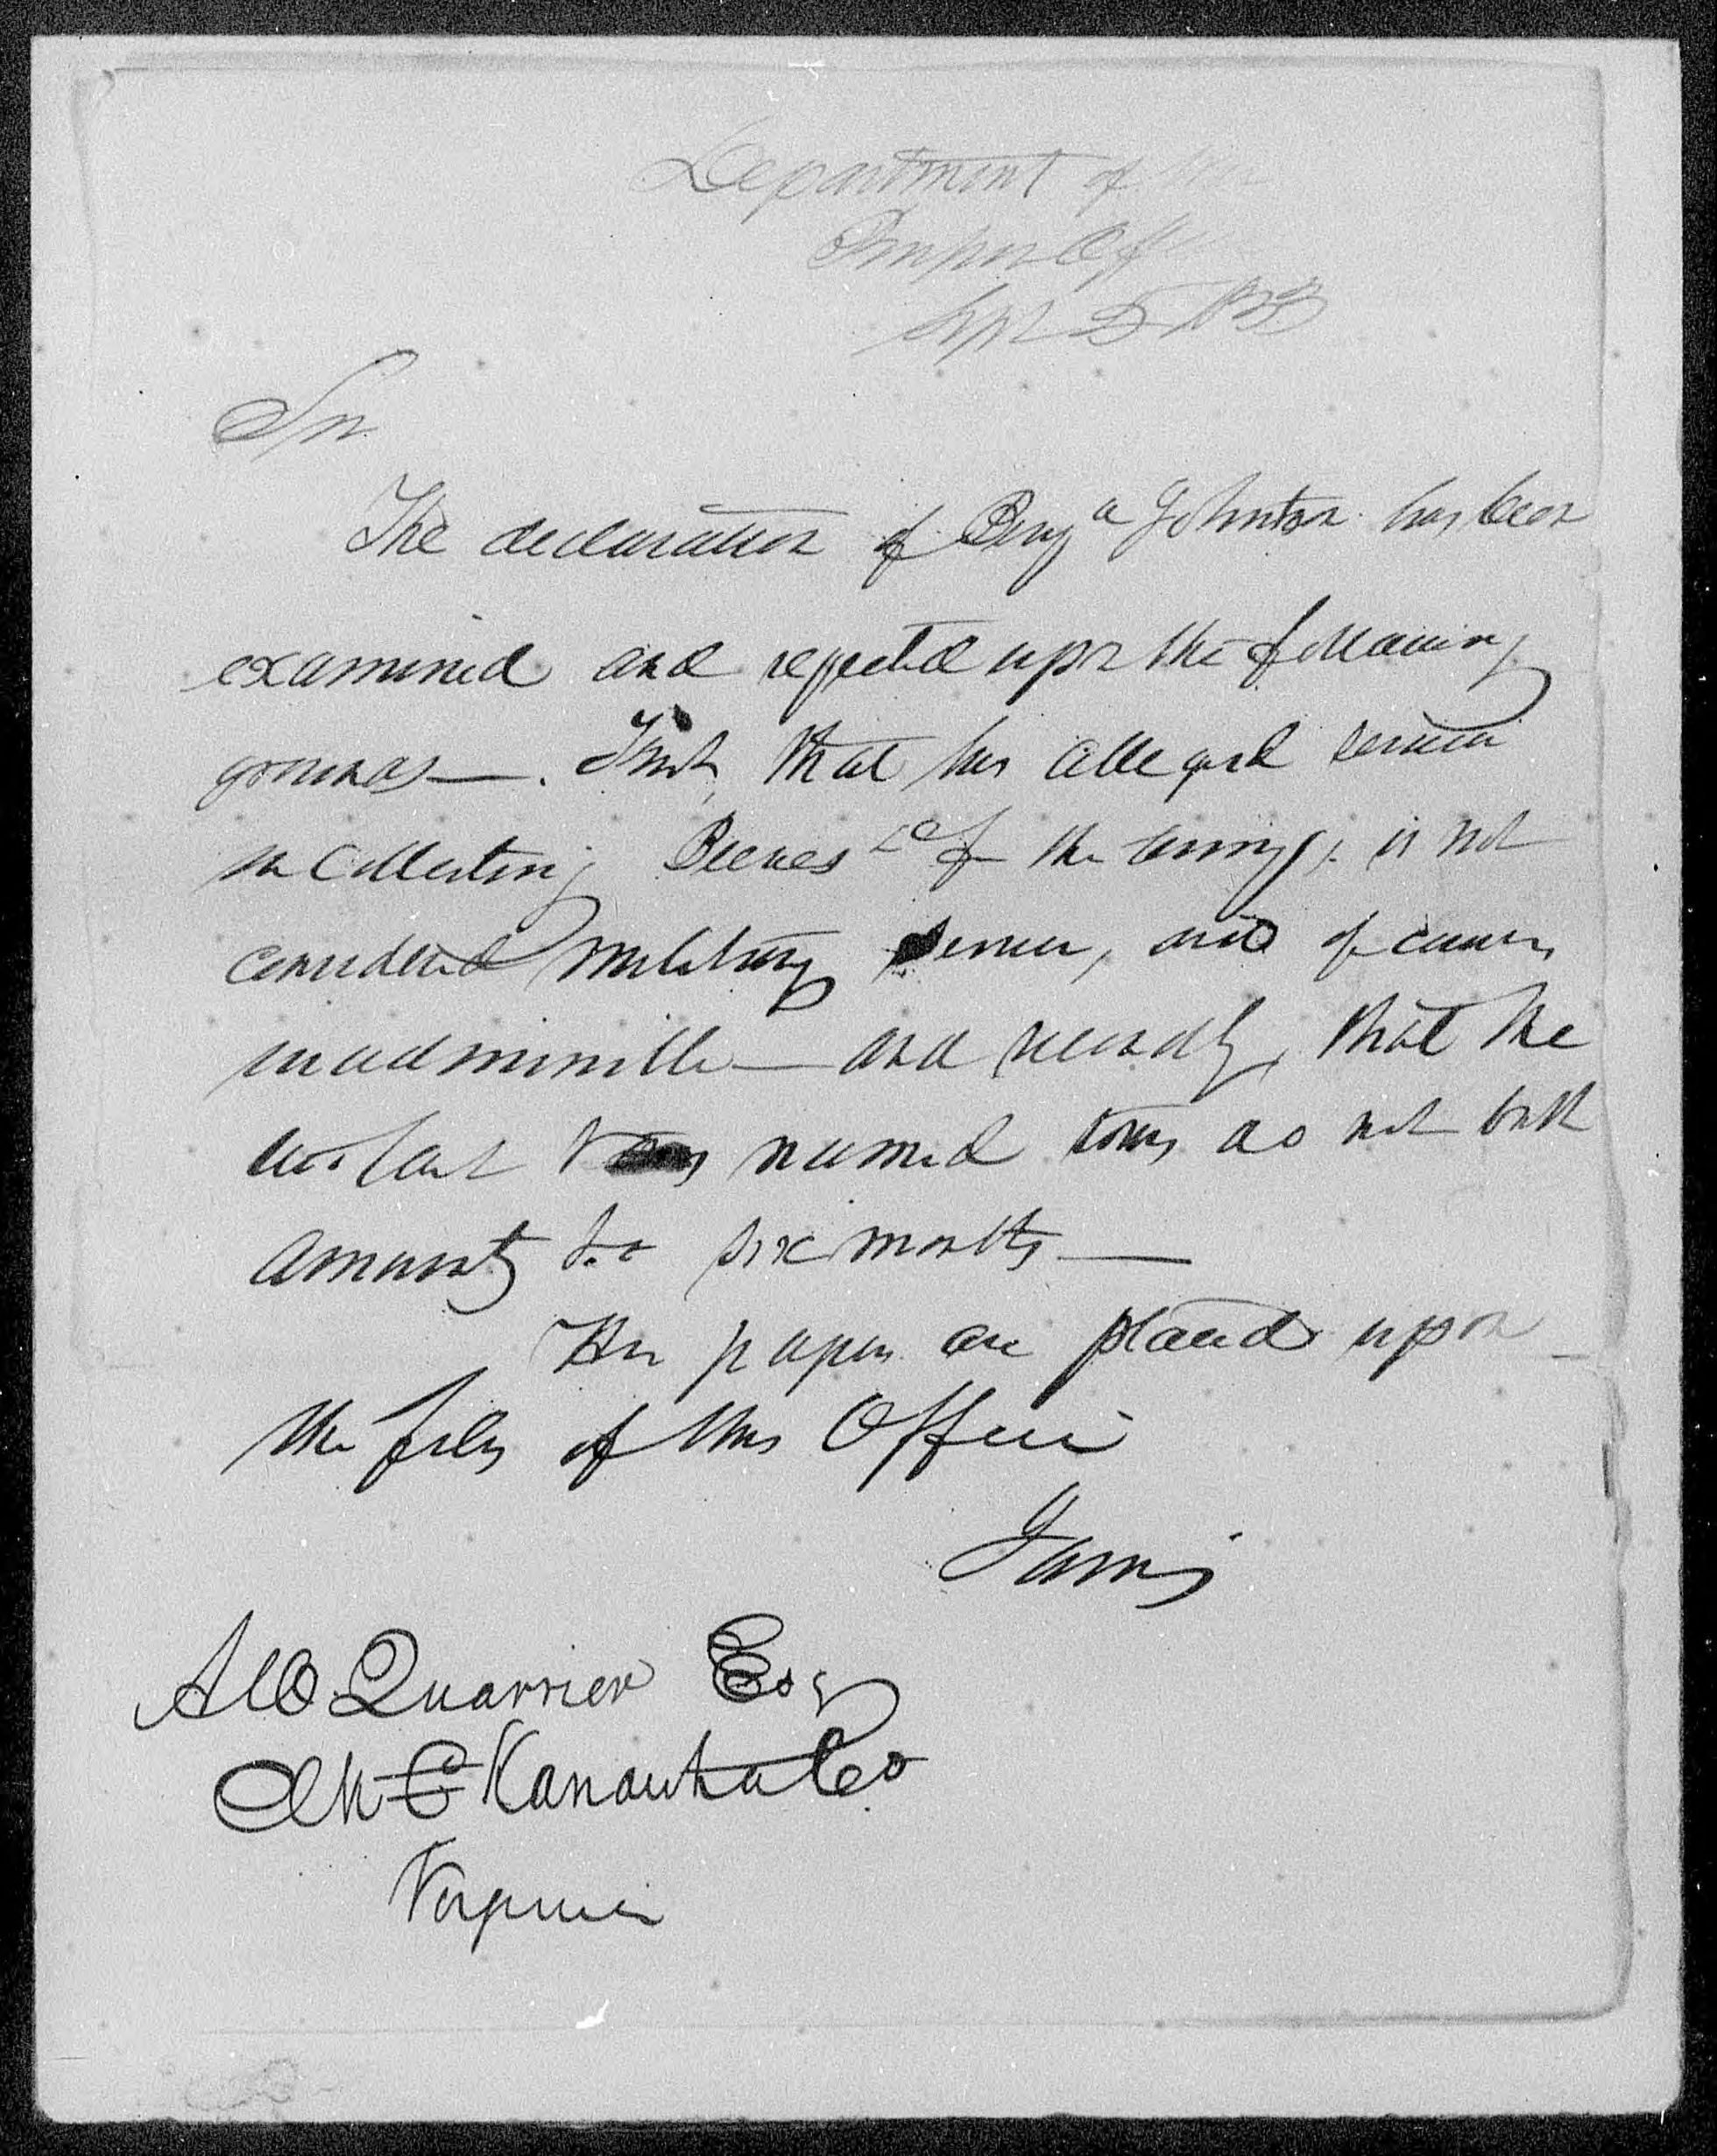Department of War
Pension Office
Apr 5 1833
Sir,
The declaration of Benj A Johnston [Johnson] has been examined and rejected upon the following grounds.
That his alleged service in collecting Beeves of the Army is not considered military service and of course, inadmissible-and secondly that he [illegible] named tours as not both amount to six months.
His papers are placed upon the files of this Office
James
A W Quarrier Esq
Clk C. Kanawha Co
Virginia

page: 14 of 17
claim: rejected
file: R. 5674, for Benjamin Johnson, Virginia